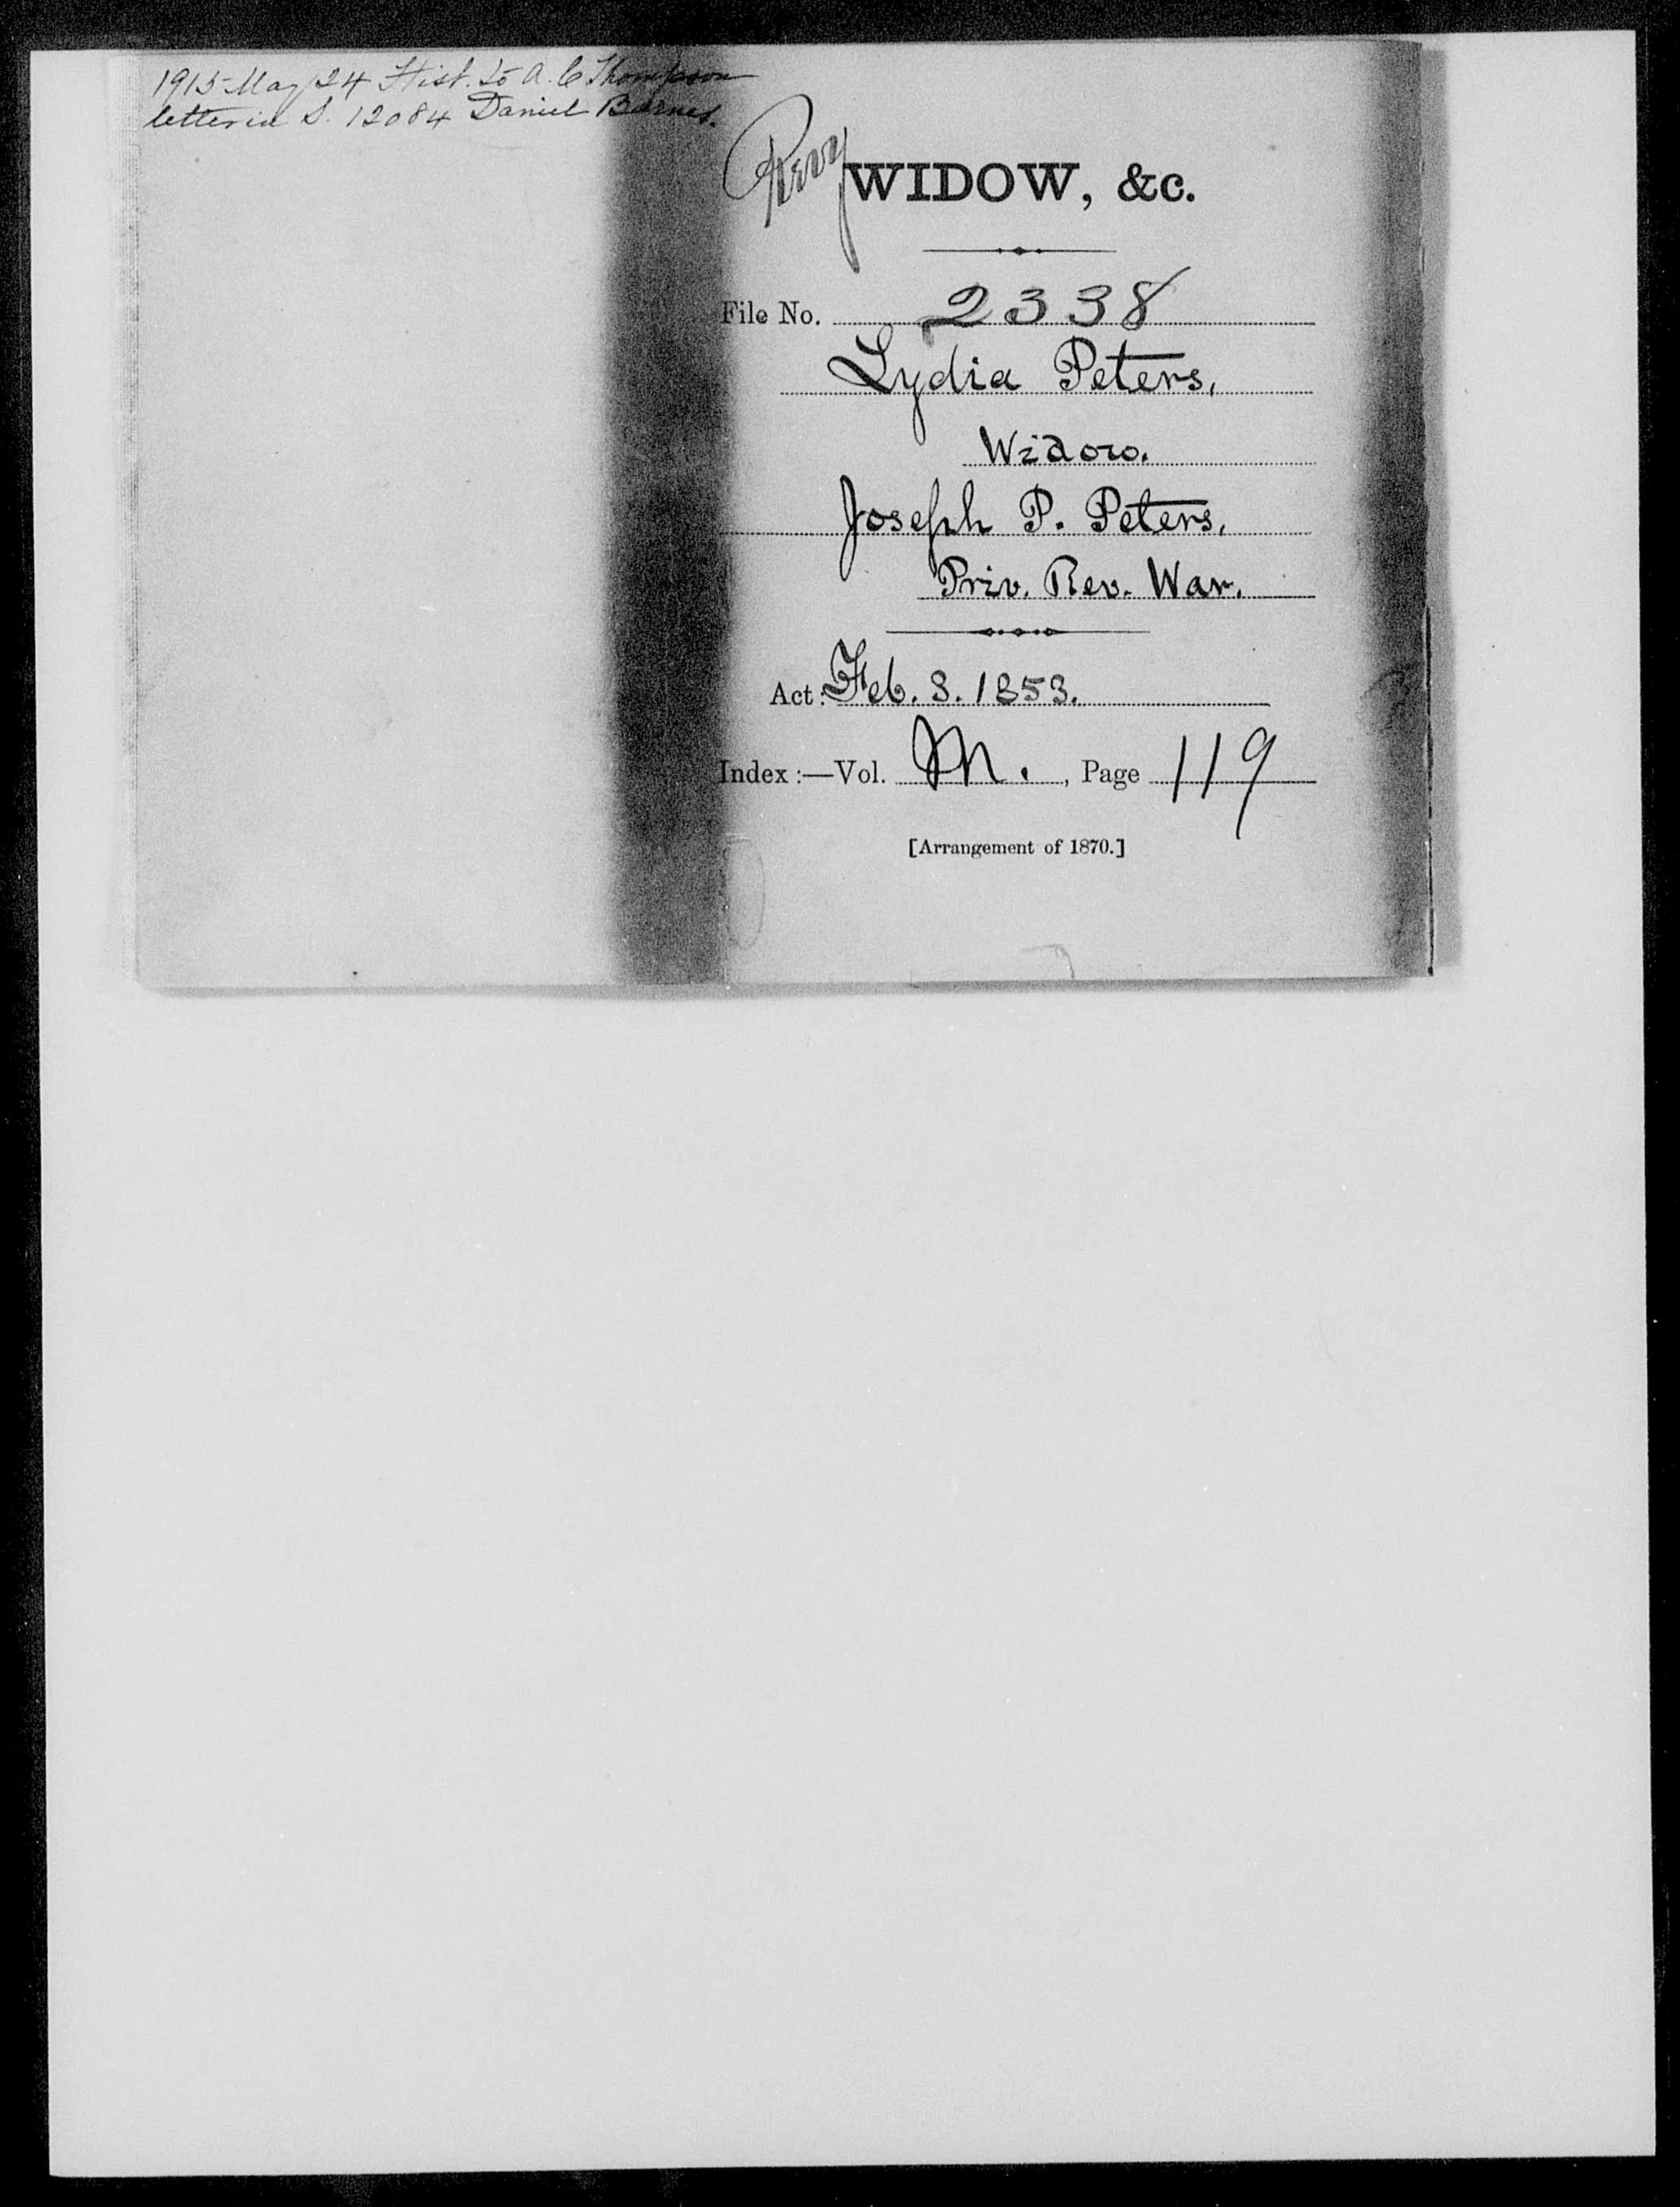1915 May 24 Hist. to A. C. Thompson
Letter in S. 12084 Daniel Barnes
Revy WIDOW, &c. 
File No. 2338 
Lydia Peters, 
Widow 
Joseph P. Peters, 
Priv. Rev. War.  
Act. Feb. 3. 1853. 
Index: -- Vol. M Page 119  
[Arrangement of 1870.]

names: Lydia Peters; Daniel Barnes; Joseph P Peters; A C Thompson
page: 31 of 73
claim: widow's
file: W. 2338, for Joseph P Peters, Connecticut